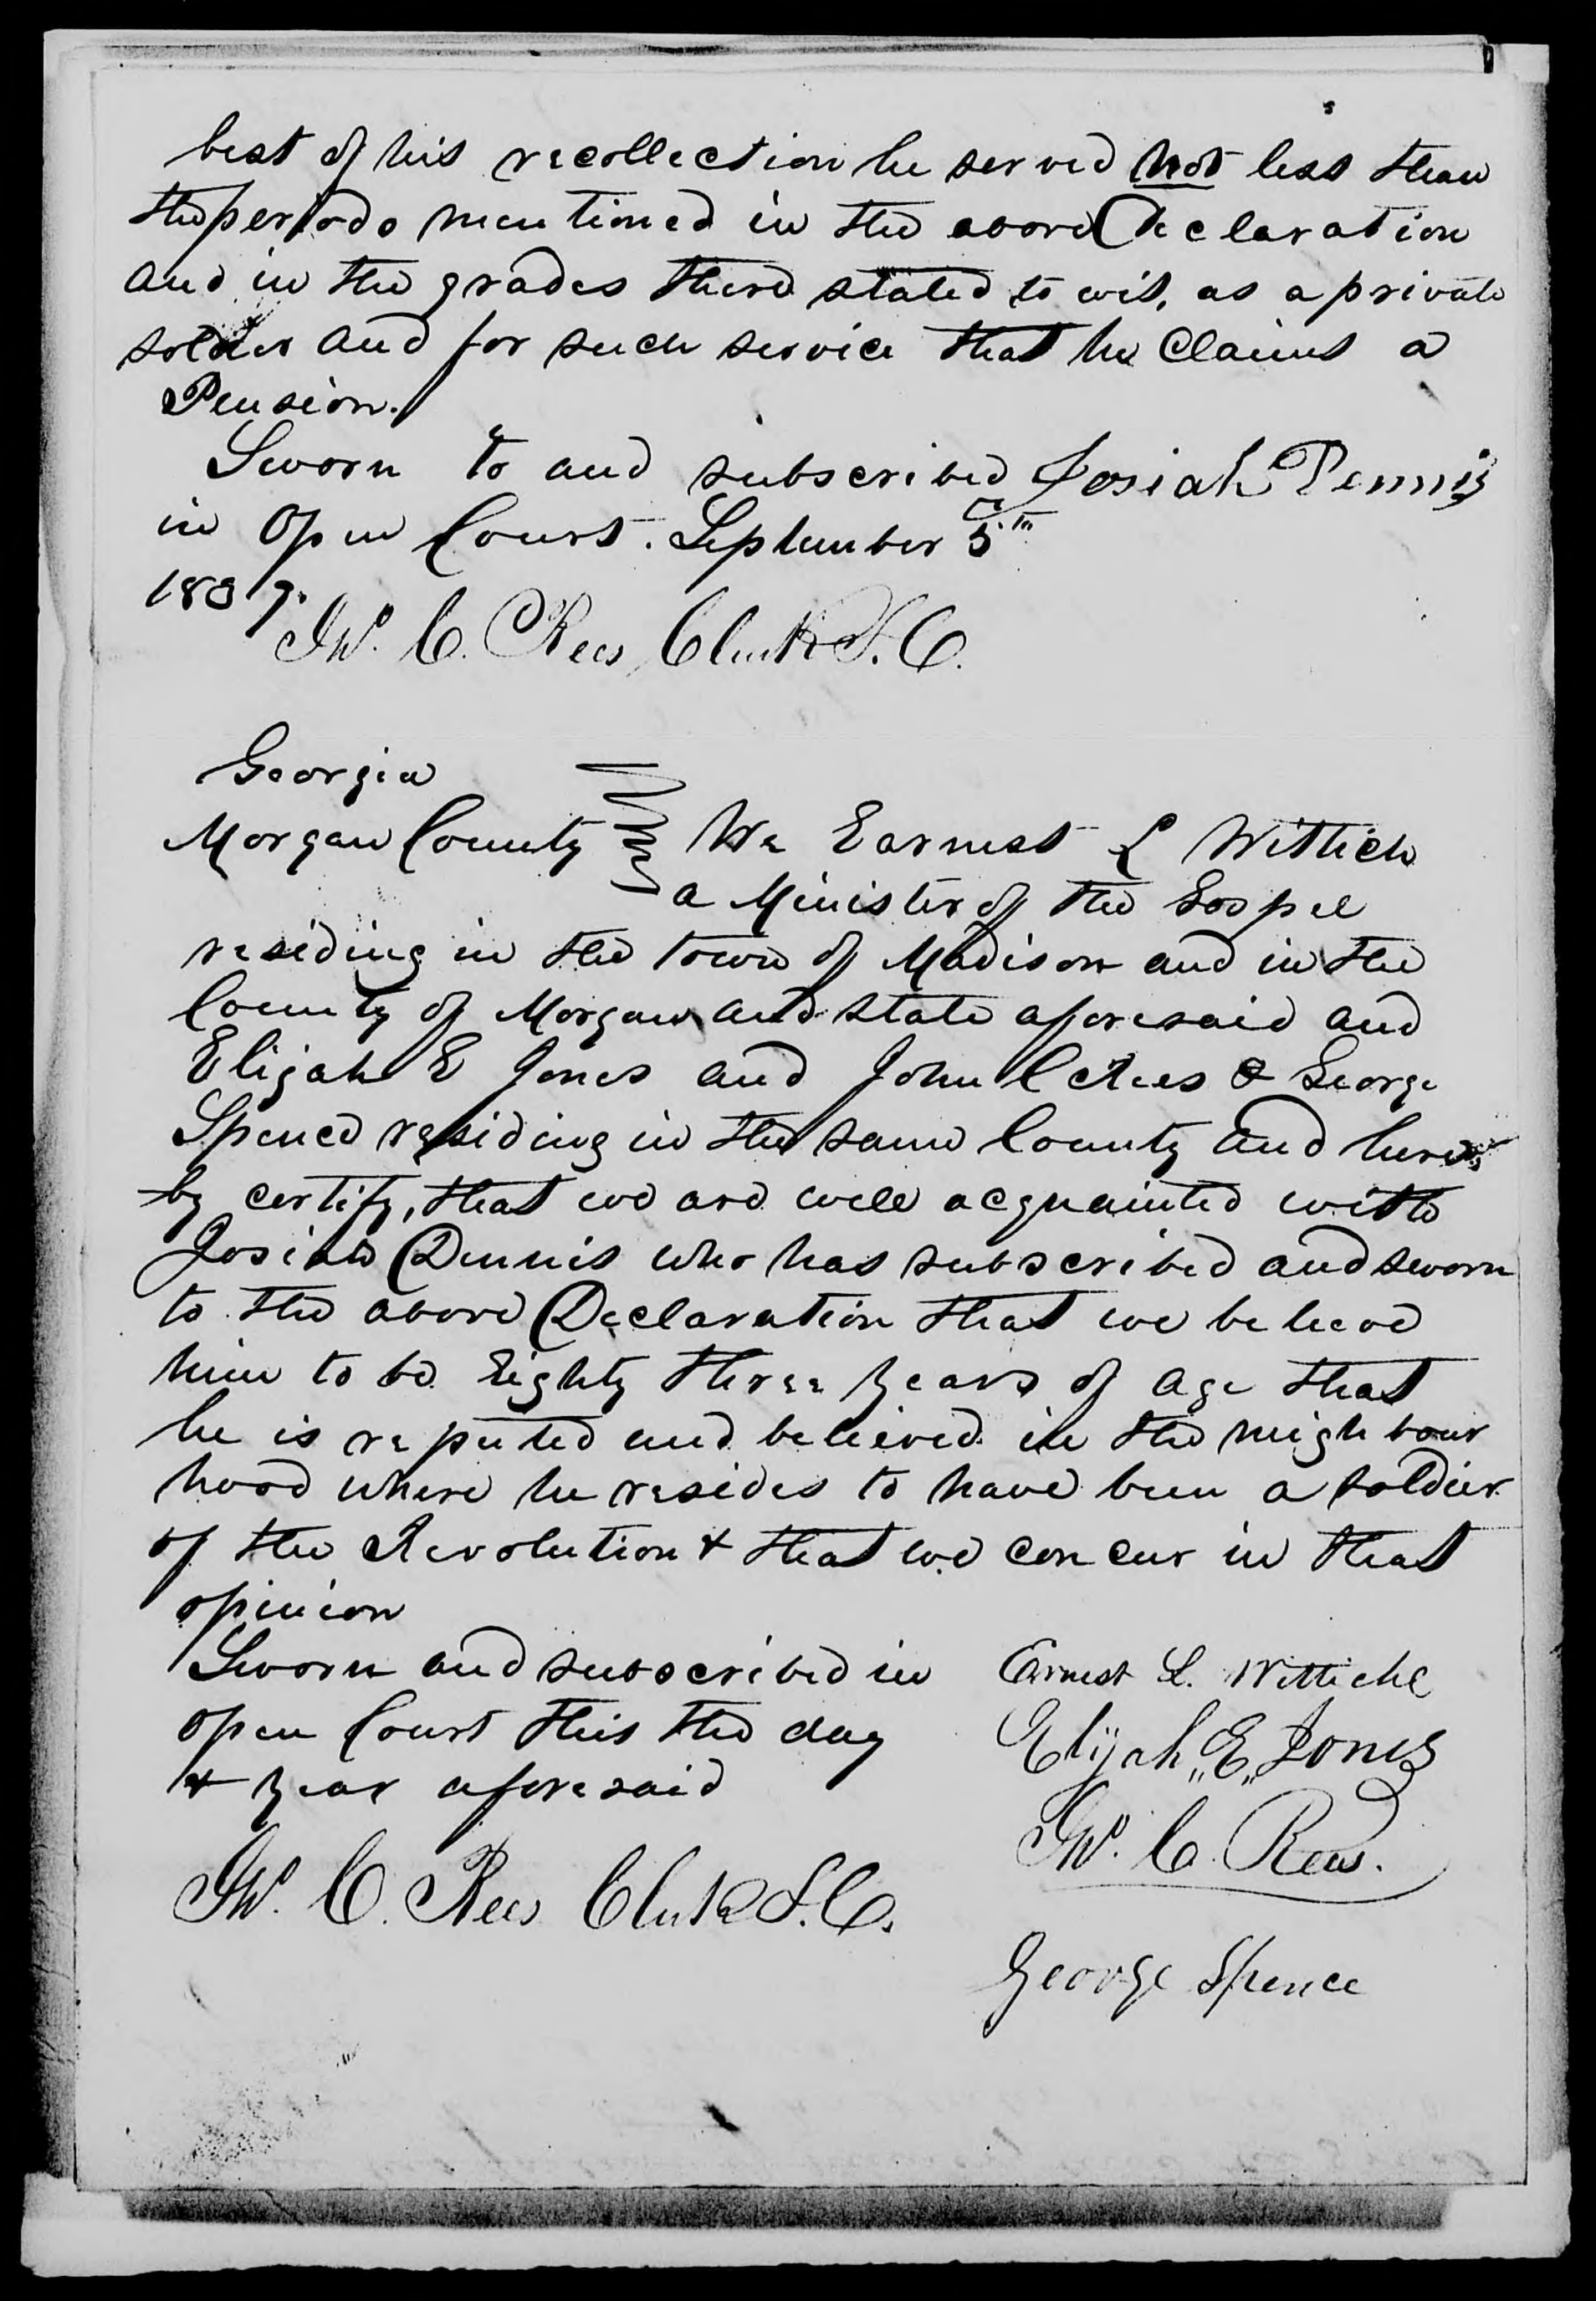best of his recollection he served not less than
the periods mentioned in the above declaration
and in the grades there stated to wit, as a private
soldier and for such service that he claims a
Pension
Sworn to and subscribed  [signature] Josiah Dennis
in Open Court September 5th
1839 Jno C. Rees Clerk S.C.

Georgia
Morgan County ⎬ 
We Earnest L Wittich
a Minister of the Gospel
residing in the town of Madison and in the
County of Morgan and State aforesaid and
Elijah E Jones and John C Rees & George
Spence residing in the same County and here
by certify, that we are well acquainted with
Joshua Dunnis who has subscribed and sworn
to the above Declaration that we believe
him to be Eighty three years of age that
he is reputed and believed in the neighbour
hood where he resides to have been a soldier
of the Revolution & that we concur in that
opinion
Sworn and subscribed in
open Court this the day
& year aforesaid
Jno C. Rees Clerk S.C.
[signatures]
Ernest L. Wittick
Elijah E. Jones
Jno C. Rees.
George Spence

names: Josiah Dennis, John C Rees, Ernest L Wittiche, Jno C Rees, Jno C Rees, Jno C Rees, Elijah E Jones, Elijah E Jones, George Spence, George Spence, Earnest L Wittich, Josiah Dennis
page: 7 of 14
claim: rejected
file: R. 2,877, Josiah Dennis, Md.